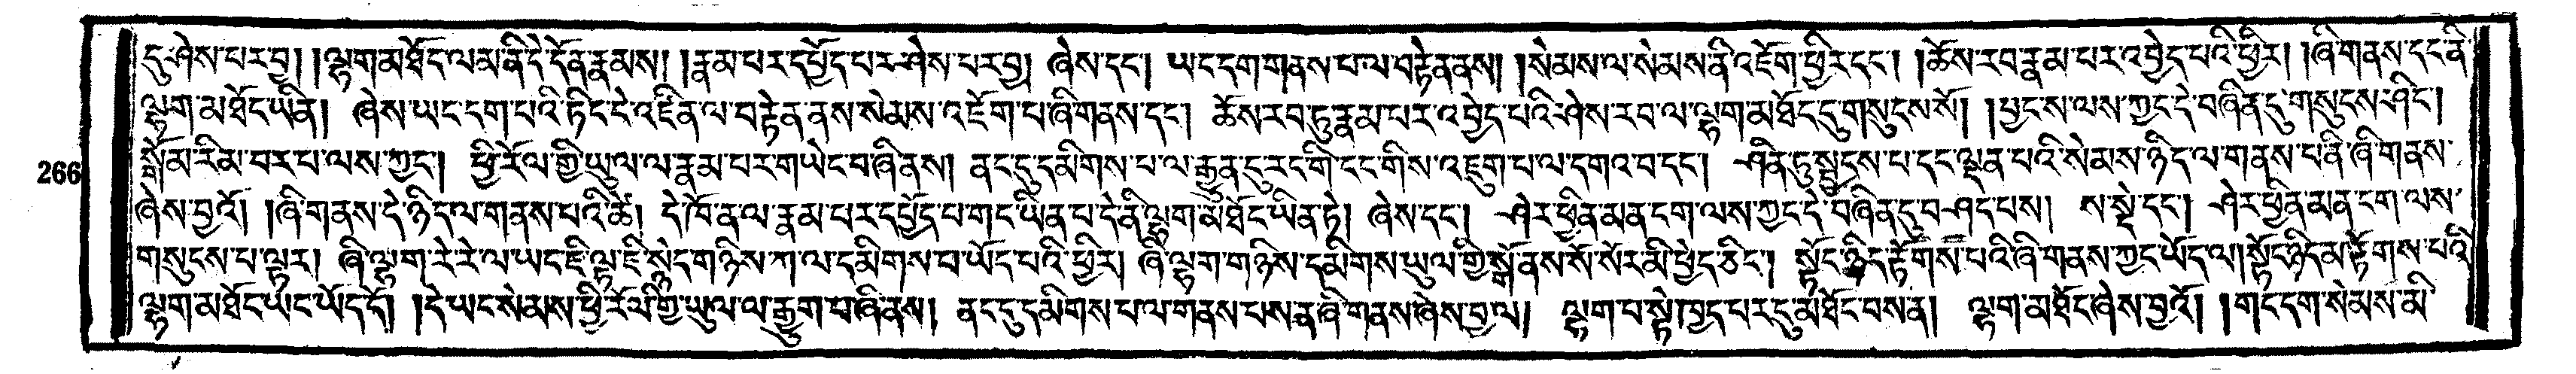དུ་ཤེས་པར་བྱ། །ལྷག་མཐོང་ལམ་ནི་དེ་དོན་རྣམས། །རྣམ་པར་དཔྱོད་པར་ཤེས་པར་བྱ། ཞེས་དང་། ཡང་དག་གནས་པ་ལ་བརྟེན་ནས། །སེམས་ལ་སེམས་ནི་འཇོག་ཕྱིར་དང་། །ཆོས་རབ་རྣམ་པར་འབྱེད་པའི་ཕྱིར། །ཞི་གནས་དང་ནི་
ལྷག་མཐོང་ཡིན། ཞེས་ཡང་དག་པའི་ཏིང་ངེ་འཛིན་ལ་བརྟེན་ནས་སེམས་འཇོག་པ་ཞི་གནས་དང་། ཆོས་རབ་ཏུ་རྣམ་པར་འབྱེད་པའི་ཤེས་རབ་ལ་ལྷག་མཐོང་དུ་གསུངས་སོ། །བྱང་ས་ལས་ཀྱང་དེ་བཞིན་དུ་གསུངས་ཤིང་།
སྒོམ་རིམ་བར་པ་ལས་ཀྱང་། ཕྱི་རོལ་གྱི་ཡུལ་ལ་རྣམ་པར་གཡེང་བ་ཞི་ནས། ནང་དུ་དམིགས་པ་ལ་རྒྱུན་དུ་རང་གི་ངང་གིས་འཇུག་པ་ལ་དགའ་བ་དང་། ཤིན་ཏུ་སྦྱངས་པ་དང་ལྡན་པའི་སེམས་ཉིད་ལ་གནས་པ་ནི་ཞི་གནས་
ཞེས་བྱའོ། །ཞི་གནས་དེ་ཉིད་ལ་གནས་པའི་ཚེ། དེ་ཁོ་ན་ལ་རྣམ་པར་དཔྱོད་པ་གང་ཡིན་པ་དེ་ནི་ལྷག་མཐོང་ཡིན་ཏེ། ཞེས་དང་། ཤེར་ཕྱིན་མན་ངག་ལས་ཀྱང་དེ་བཞིན་དུ་བཤད་པས། ས་སྡེ་དང་། ཤེར་ཕྱིན་མན་ངག་ལས་
གསུངས་པ་ལྟར། ཞི་ལྷག་རེ་རེ་ལ་ཡང་ཇི་ལྟ་ཇི་སྙེད་གཉིས་ཀ་ལ་དམིགས་པ་ཡོད་བའི་ཕྱིར། ཞི་ལྷག་གཉིས་དམིགས་ཡུལ་གྱི་སྒོ་ནས་སོ་སོར་མི་ཕྱེད་ཅིང་། སྟོང་ཉིད་རྟོགས་པའི་ཞིག་གནས་ཀྱང་ཡོད་ལ། སྟོང་ཉིད་མ་རྟོགས་པའི་
ལྷག་མཐོང་ཡང་ཡོད་དོ། །དེ་ཡང་སེམས་ཕྱི་རོལ་གྱི་ཡུལ་ལ་རྒྱུག་བ་ཞི་ནས། ནང་དུ་དམིགས་པ་ལ་གནས་པས་ན་ཞིག་གནས་ཞེས་བྱ་ལ། ལྷག་བ་སྟེ་ཁྱད་པར་དུ་མཐོང་བས་ན། ལྷག་མཐོང་ཞེས་བྱའོ། །གང་དག་སེམས་མི་